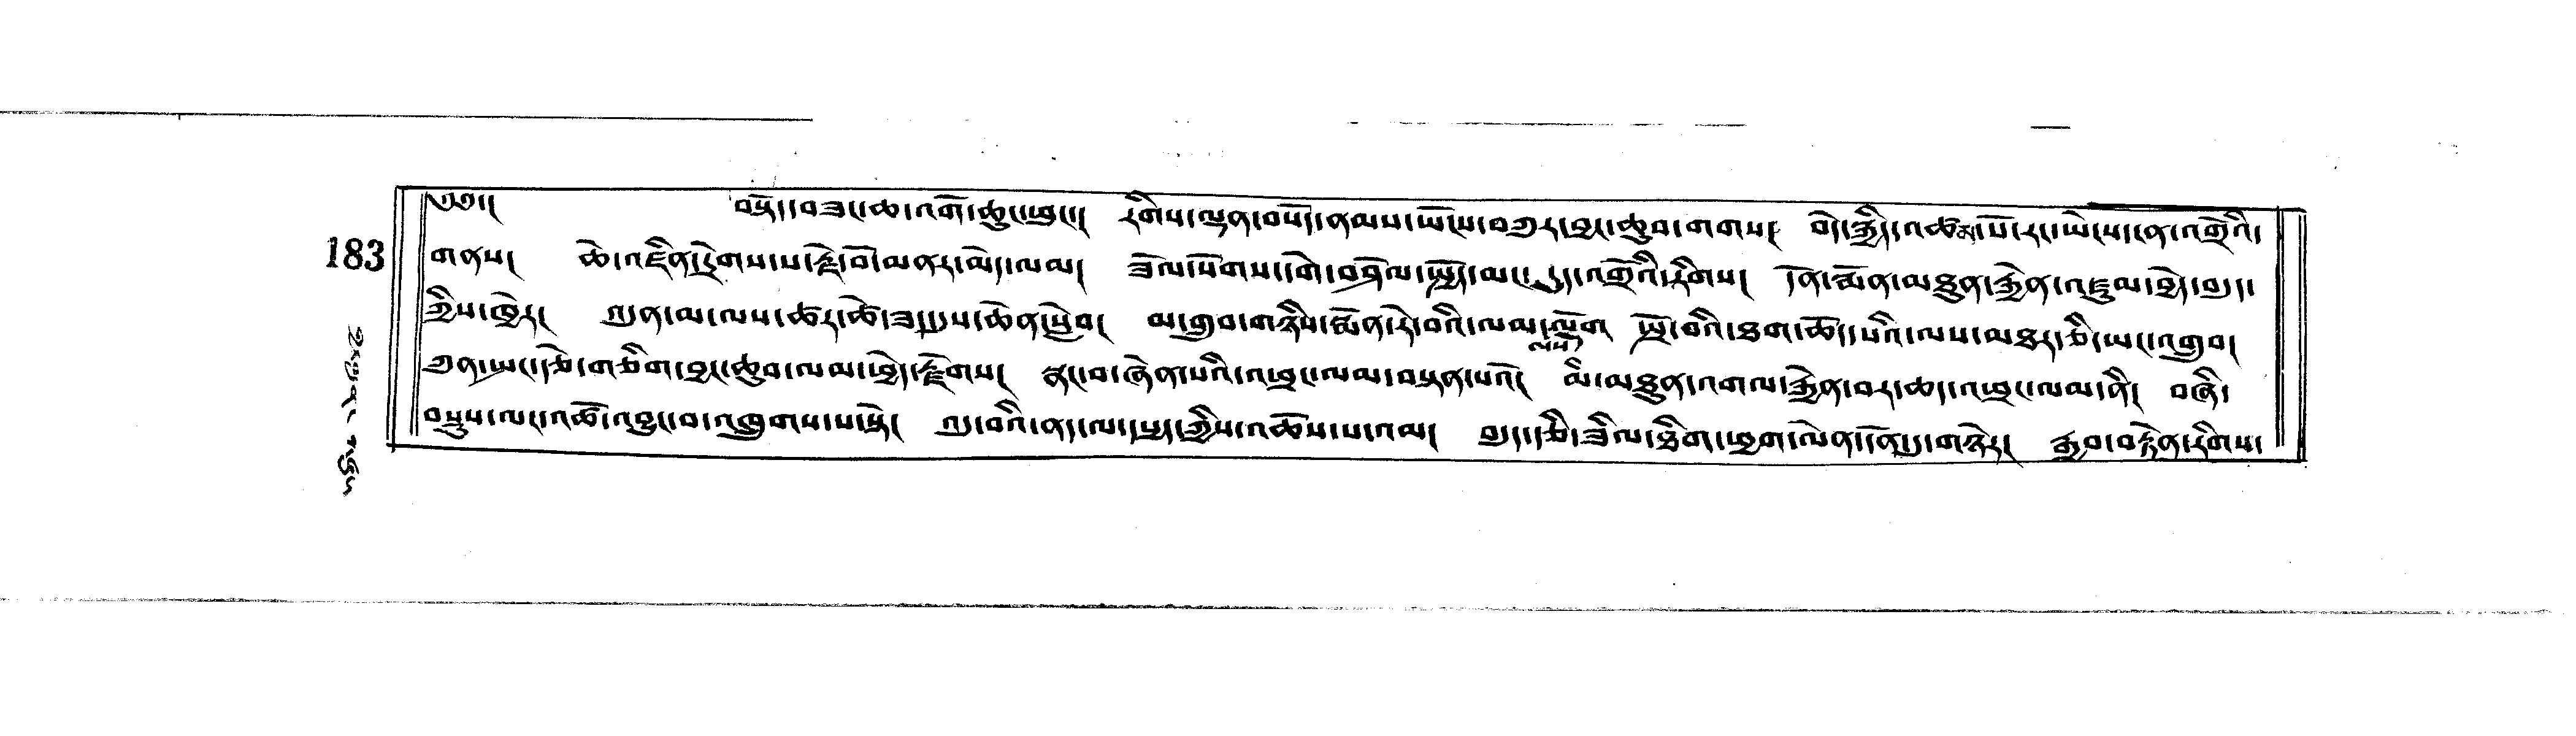བསྟོད་བཟང་ཆ་འགོ་ཆུང་ཕུང་། རིགས་ལྡན་བསོད་ནམས་ཡོངས་བཀུར་བྱང་ཆུབ་གགས། བདེ་སྐྱིད་འཚམ་པོ་རང་ཡེངས་ངན་འགྲོའི་
གནས། ཆེ་འཛིན་དྲེགས་པ་རྗེ་བོ་མནར་མེད་ལམ། ཟོལ་ཟོག་དགེ་བཤོལ་སྤྱོད་མང་དུད་འགྲོའི་རིགས། དོན་རྨོངས་མཐུན་རྐྱེན་འཇོམ་བྱེད་བདུད་
ཀྱིས་ཁྱེར། འདུན་མ་ལས་ཚར་ཚེ་ཟད་དུས་ཆེན་སླེབས། མ་གྲུབ་གཉིས་སྨོན་རེ་བའི་ལམ་ལས་ལྡོག སྤྲོ་བའི་ཐག་ཆོད་པའི་ལས་མཐར་ཅི་ཡང་འགྲུབ། 
ཀུན་སྤང་རྩེ་གཅིག་བྱང་ཆུབ་ལམ་བྱེད་རྫོགས། སྣང་བ་ཞེན་པའི་འཕྲང་ལམ་བསྟན་པའོ། མི་མཐུན་འགལ་རྐྱེན་བར་ཆད་འཕྲང་ལམ་ནི། གཞི་
བསྡུས་ལང་ཚོ་འབྱུང་བ་འཁྲུག་པ་སྟེ། འདུ་བའི་ནད་ལ་དཔྱད་ཀྱིས་འཆོས་པའམ། བདུད་རྩི་ཟིལ་ཐིགས་ཕྱག་ལེན་དོན་དུ་གཉེར། རྒྱབ་བརྟེན་རིགས་